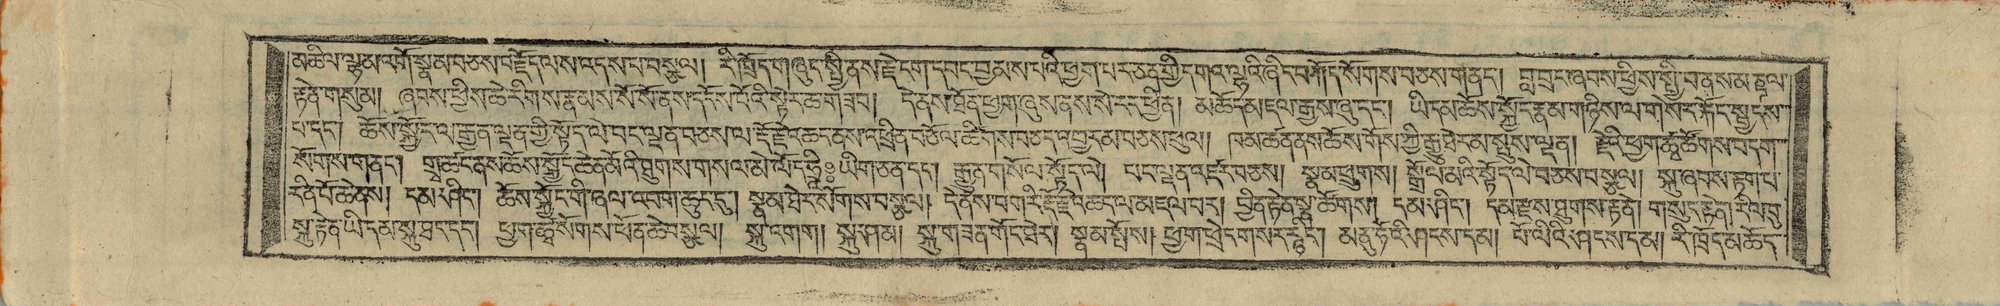མཆིལ་ལྷམ་འགོ་སྣམ་བཅས་བརྗོད་ལས་འདས་པ་བསྩལ། རི་ཁྲོད་གཞུང་སྤྱི་ནས་རྫེ་ངག་དབང་བྱམས་པའི་ཕྱག་པར་ཅན་གྱི་དགའ་ལྷའི་ཞིང་བཀོད་སོགས་བཅས་གནང་། བླ་བྲང་ཞབས་ཕྱིས་སྤྱི་པ་ནས་མཎྜལ་
རྟེན་གསུམ། ཞབས་ཕྱིས་ཆེ་རིགས་རྣམས་སོ་སོ་ནས་དངོས་པོའི་སྟེར་ཆ་གཟབ། དེ་ནས་ཐོན་ཕྱག་ཞུས་ནས་སེ་རར་ཕྱིན། མཆོད་མཇལ་རྒྱས་ཞུ་དང་། ཡི་དམ་ཆོས་སྐྱོང་རྣམ་གཉིས་ལ་གསེར་རྐོང་སྦྱངས་
པ་དང་། ཆོས་སྐྱོང་ལ་རྒྱན་ལྡན་གྱི་སྟོད་ལེ་བང་ལྡན་བཅས་ལ་རྡོ་རྗེ་འཆང་ནས་འཕྲིན་བཅོལ་ཚིགས་བཅད་འབྱར་མ་བཅས་ཕུལ། ཁམ་ཚན་ནས་ཆོས་གོས་ཀྱི་རྒྱུ་ཐེར་མ་སྤུས་ལྡན། རྗེའི་ཕྱག་ཚྭ་ཚོགས་བདག་
སོགས་གནང་། གྲྭ་ཚང་ནས་ཆོས་སྐྱོང་ཆེན་མོའི་ཐུགས་གསལ་མེ་ལོང་ཧྲཱིཿ ཡིག་ཅན་དང་། རྒྱུན་གསོལ་སྟོད་ལེ། པང་ལྡན་འཛར་བཅས། སྣམ་ཕྲུགས། སྒྲོལ་མའི་སྟོད་ལེ་བཅས་བསྩལ། སྐུ་ཞབས་རྟག་པ་
རིན་པོ་ཆེ་ནས། དམ་ཤིང་། ཆོས་སྐྱོང་གི་ཞལ་འབག་ཆུང་དུ། སྣམ་ཐེར་སོགས་བསྩལ། དེ་ནས་བག་རི་རྡོ་རྗེ་འཆང་ལ་མཇལ་བར། བྱིན་རྟེན་སྣ་ཚོགས། དམ་ཤིང་། དམ་རྫས་ཐུགས་རྟེན། གསུང་རྟེན། རིལ་བུ་
སྐུ་རྟེན་ཡི་དམ་སྐུ་ཐང་དང་། ཕྱག་ཚྭ་སོགས་ཕོན་ཆེ་བསྩལ། སྐུ་འགག །སྐུ་ཤམ། སྐུ་གཟན་གོང་ཐེར། སྣམ་སྤོས། ཕྱག་ཕྲེང་གསར་རྙིང་། མ་ནུ་ཧོའི་ཤངས་དམ། པོ་ལིའི་ཤངས་དམ། རི་ཁྲོད་མཆོད་